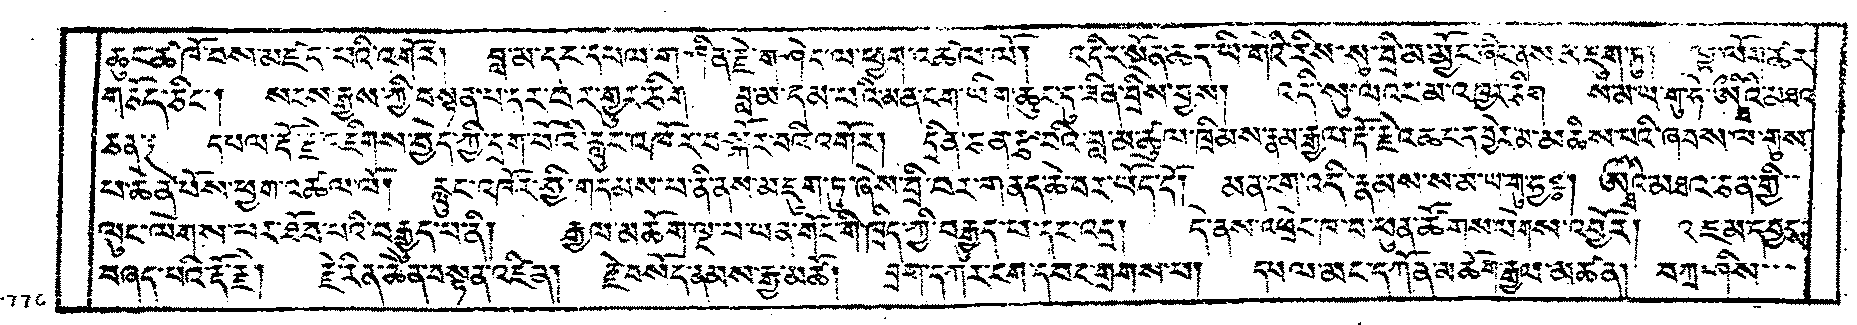ཆུང་ཚ་ཁོ་བས་མཛད་པའི་འགོར། བླ་མ་དང་དཔལ་གཤིན་རྗེ་གཤེད་ལ་ཕྱག་འཚལ་ལོ། འདིར་སྔོན་ཆད་ཡི་གེའི་རིས་སུ་བྲི་མ་མྱོང་ཞིང་ནས་མཇུག་ཏུ། ལྟ་ལོག་ཚར་
གཅོད་ཅིང་། སངས་རྒྱས་ཀྱི་བསྟན་པ་དར་བར་གྱུར་ཅིག་བླ་མ་དམ་པའི་མན་ངག་ཡིག་ཆུང་དུ་ཟིན་བྲིས་བྱས། འདི་སུ་ལའང་མ་འཁྱར་ཅིག་ས་མ་ཡ་གུ་ཧེ་ཨིཐིའི་མཐའ་
ཅན༑ དཔལ་རྡོ་རྗེ་འཇིགས་བྱེད་ཀྱི་དྲག་པོའི་རླུང་འཁོར་བསྐོར་བའི་འགོར། དྲིན་ཅན་རྩ་བའི་བླ་མ་ཚུལ་ཁྲིམས་རྣམ་རྒྱལ་རྡོ་རྗེ་འཆང་དབྱེར་མ་མཆིས་པའི་ཞབས་ལ་གུས་
པ་ཆེན་པོས་ཕྱག་འཚལ་ལོ། རླུང་འཁོར་གྱི་གདམས་པ་ནི་ནས་མཇུག་ཏུ་ཞེས་བྲི་བར་གནད་ཆེ་བར་ཡོད་དོ། མན་ངག་འདི་རྣམས་ས་མ་ཡ་གུ་ཧྱཿ ཨྀཐིའི་མཐའ་ཅན་གྱི་
ལུང་ལེགས་པར་ཐོབ་པའི་བརྒྱུད་པ་ནི། རྒྱལ་མཆོག་ལྔ་པ་ཡན་གོང་གི་ཁྲིད་ཀྱི་བརྒྱུད་པ་དང་འདྲ། དེ་ནས་འཕྲེང་ཁ་བ་ཕུན་ཚོགས་ལེགས་འབྱོར། འཇམ་དབྱངས་
བཞད་པའི་རྡོ་རྗེ། རྗེ་རིན་ཆེན་བསྟན་འཛིན། རྗེ་བསོད་ནམས་རྒྱ་མཚོ། བྲག་དཀར་ངག་དབང་གྲགས་པ། དཔལ་མང་དཀོན་མཆོག་རྒྱལ་མཚན། བཀྲ་ཤིས་